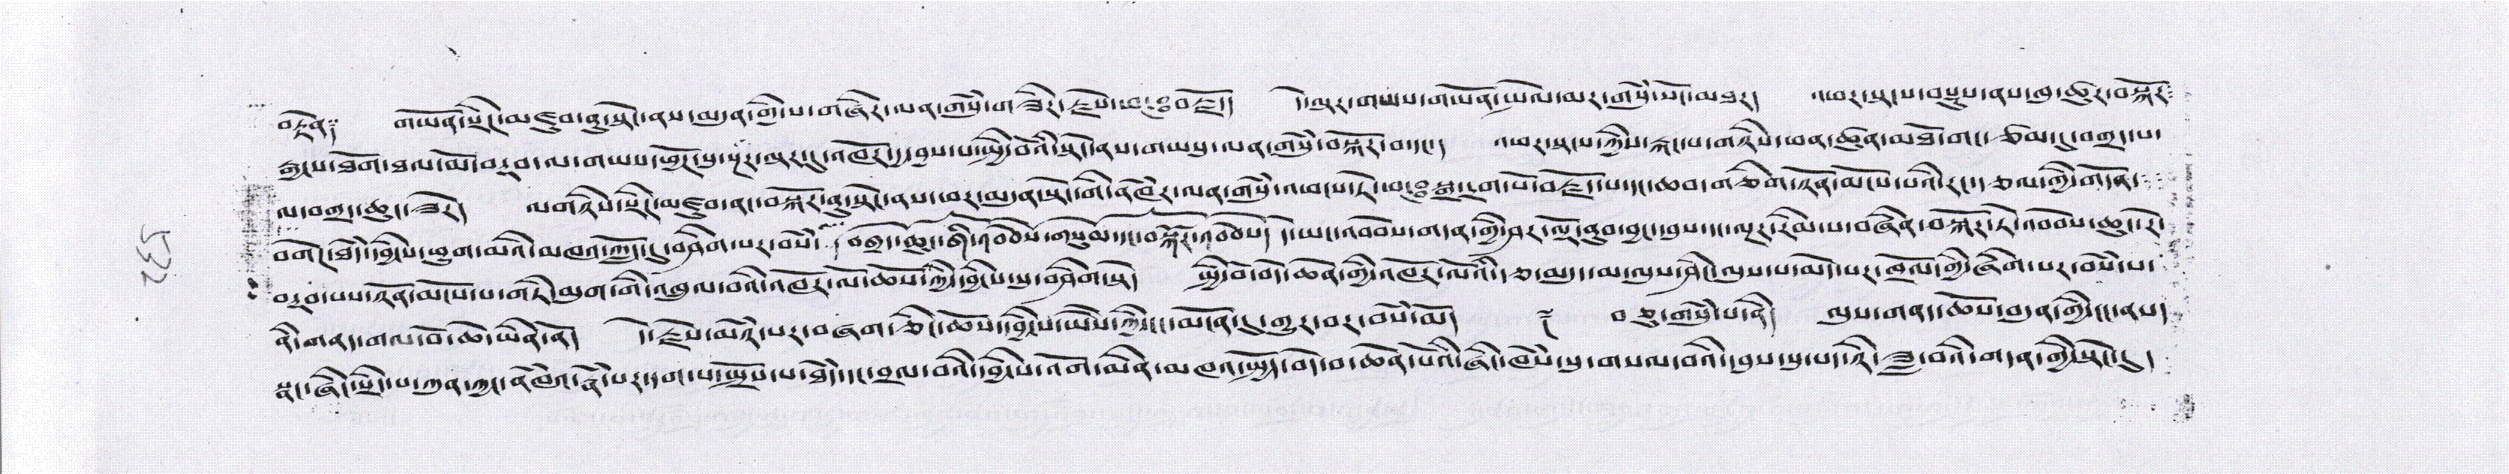བརྟེན། གཡོན་སྡིགས་མཛུབ་ནུ་སྟེང་ནས་མདུན་གྱི་ས་གཞིར་ལན་གསུམ་གཟིར་རྗེས་ཕཊཿབརྗོད། དེ་ལྟར་གཡས་གཡོན་སྤེལ་མར་གསུམ་སོང་མཐར། འཕར་སྟངས་བསྡུས་ནས་ཁུ་ཚུར་བསྐོར་
རྒྱངས་ཐོག་ཐལ་མོ་བརྡབ་ལ་གཡས་ཕྱོགས་སུ་སྔར་ལྟར་འཁོར་རྒྱ་བྱས་པ་སྤྱི་བོའི་སྟེང་ནས་གཡས་སུ་ལན་གསུམ་བསྐོར་བ་དང་། འཕར་སྟངས་ཀྱིས་རྐང་པ་གཉིས་ཕན་ཚུན་མཐོ་གང་ཙམ་བགྲད་
ལ་མ་བགྲད་ཆུད་ཟེར། ལག་གཉིས་སྡིགས་མཛུབ་ནང་བསྐོར་ནུ་སྟེང་ནས་ཕར་མདུན་སྟེང་གི་ནམ་མཁར་ལན་གསུམ་འཕངས་ཏེ་ཕཊཿསྒྲ་དྲག་པོ་བརྗོད་པ་དང་ཆབས་ཅིག་ཉོན་མོངས་པའི་རང་རྩལ་གྱི་གདོན་
བགེགས་ཐམས་ཅད་དབྱིངས་ཕྱུག་མའི་མཁའ་ཀློང་དུ་བཤིགས་པར་བསམ། ༼བགྲད་ཆུང་གི་འབེབས་གསུམ་དང་སྐོར་འབེབས༽དེ་ཡང་འབེབས་གདན་གྱི་ཤར་ལྷོ་ནུབ་བྱང་དབུས་དང་ལྔར་བསྐོར་ཏེ་རིམ་པ་བཞིན་བསྐོར་ཏེ་འབེབས་ཆུང་རེ་
བརྡབ་པས་ཉོན་མོངས་པ་གཏི་མུག་གིས་འཁྲུལ་པའི་འཁོར་ལོ་ཆོས་ཀྱི་དབྱིངས་སུ་བཤིག་སྟེ། སྤྱི་བོ་བདེ་ཆེན་གྱི་འཁོར་ལོའི་རྩ་མདུད་མ་ལུས་ལུས་པ་མེད་པར་ཁྲོལ་གྱི་ཞིག་པར་བསམ་པ་
ནི་གནད་གལ་པོ་ཆེ་ཡིན་ནོ། དེ་རྗེས་མཉམ་པར་བཞག་ཅིང་ཆོས་དབྱིངས་ཡེ་ཤེས་ཀྱི་ངང་མངོན་དུ་གྱུར་པར་བསམ་མོ།། ༧ བཅུ་གསུམ་པ་ནི། ལུས་གནད་ཆོས་བདུན་གྱི་ངང་ནས་
སྣང་ཞིང་སྲིད་པ་ཀུན་ཀྱང་ནམ་མཁའ་རྣམ་པར་དག་པ་སྤྲོས་པ་ཐམས་ཅད་དང་བྲལ་བའི་དབྱིངས་འོག་མིན་མཁའ་སྤྱོད་བདེ་བ་ཆེན་པོའི་ཞིང་ཁམས་སུ་གསལ་བའི་དབུས་སུ་པད་ཉི་ཟླ་བའི་གདན་གྱི་སྟེང་དུ་